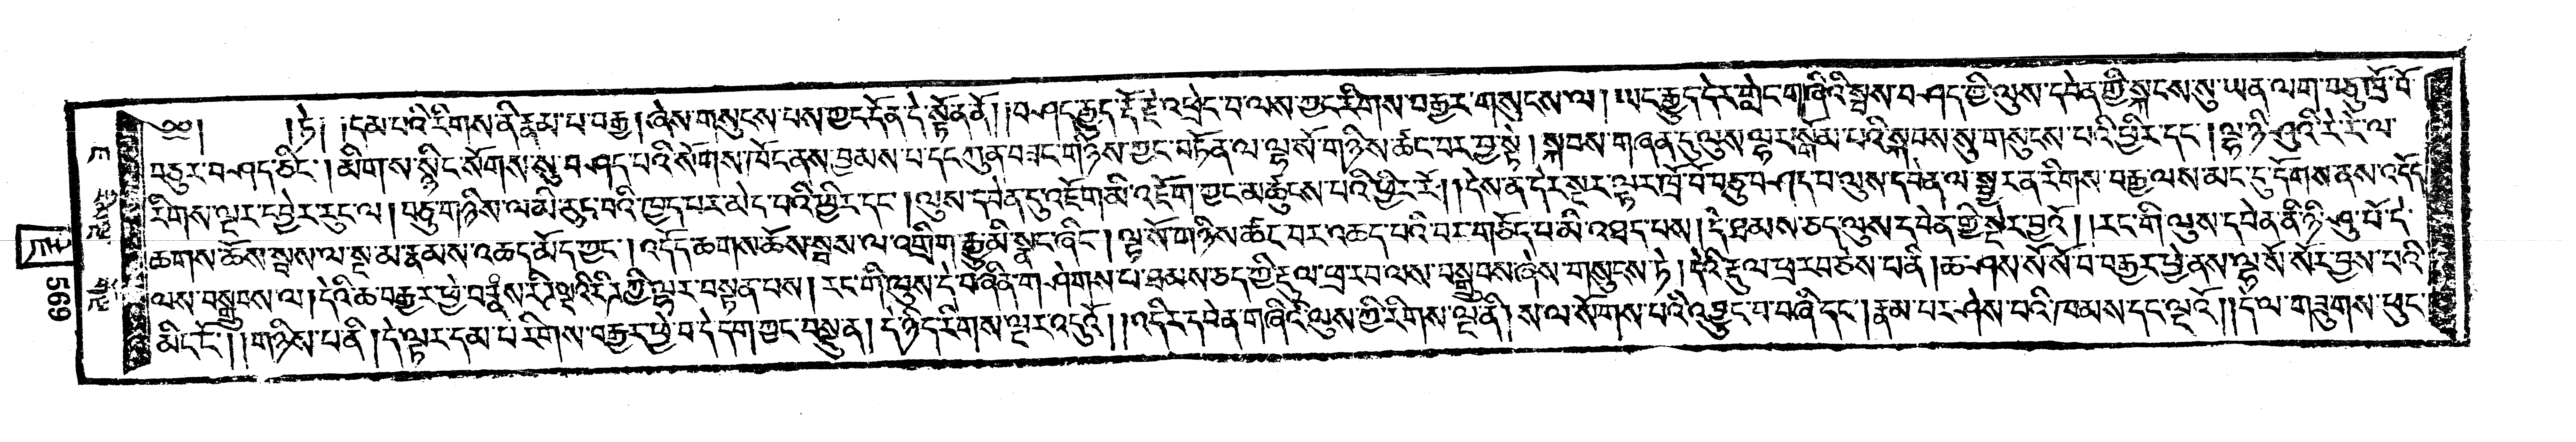༄༅། །ཏེ། །དམ་པའི་རིགས་ནི་རྣམ་པ་བརྒྱ། ཞེས་གསུངས་པས་ཀྱང་དོན་དེ་སྟོན་ནོ། །བཤད་རྒྱུད་རྡོ་རྗེ་འཕྲེང་བ་ལས་ཀྱང་རིགས་བརྒྱར་གསུངས་ལ། ཡང་རྒྱུད་དེར་གླེང་གཞིའི་སྦས་བཤད་ཀྱི་ལུས་དབེན་གྱི་སྐབས་སུ་ཡན་ལག་བཅུ་ཁྲོ་བོ་
བཅུར་བཤད་ཅིང་། མིག་ས་སྙིང་སོགས་སུ་བཤད་པའི་སོགས་ཁོང་ནས་བྱམས་པ་དང་ཀུན་བཟང་གཉིས་ཀྱང་བཏོན་ལ་ལྷ་སོ་གཉིས་ཚང་བར་བྱ་སྟེ། སྐབས་གཞན་དུ་ལུས་ལྷར་སྒོམ་པའི་སྐབས་སུ་གསུངས་པའི་ཕྱིར་དང་། ལྷ་ཉི་ཤུའི་རེ་རེ་ལ་
རིགས་ལྔར་དབྱེར་རུང་ལ། བཅུ་གཉིས་ལ་མི་རུང་བའི་ཁྱད་པར་མེད་པའི་ཕྱིར་དང་། ལུས་དབེན་དུ་འཇོག་མི་འཇོག་ཀྱང་མཚུངས་པའི་ཕྱིར་རོ། །དེས་ན་དེར་སྔར་ལྟར་ཁྲོ་བོ་བཅུ་བཤད་པ་ལུས་དབེན་ལ་སྦྱར་ན་རིགས་བརྒྱ་ལས་མང་དུ་དོགས་ནས་འདོད་
ཆགས་ཆོས་སྦས་ལ་སྔ་མ་རྣམས་འཆད་མོད་ཀྱང་། འདོད་ཆགས་ཆོས་སྦས་ལ་འགྲིག་རྒྱུ་མི་སྣང་ཞིང་། ལྷ་སོ་གཉིས་ཚང་བར་འཆད་པའི་པར་གཅོད་པ་མི་འཐད་པས། དེ་ཐམས་ཅད་ལུས་དབེན་གྱི་སྔར་བྱའོ། །རང་གི་ལུས་དབེན་ནི་ཉི་ཤུ་པོ་དེ་
ལས་བསྒྲུབས་ལ། དེའི་ཆ་བརྒྱར་ཕྱེ་བ་རྣམས་རིགས་ལྔའི་རིགས་ཀྱི་ལྷར་བསྟན་པས། རང་གི་ལུས་དེ་བཞིན་གཤེགས་པ་ཐམས་ཅད་ཀྱི་རྡུལ་ཕྲ་རབ་ལས་བསྒྲུབས་ཞེས་གསུངས་ཏེ། དེའི་རྡུལ་ཕྲ་རབ་ཅེས་པ་ནི། ཆ་ཤས་སོ་སོ་བ་བརྒྱར་ཕྱེ་ནས། ལྷ་སོ་སོར་བྱས་པའི་
མིང་ངོ། །གཉིས་པ་ནི། །དེ་ལྟར་དམ་པ་རིགས་བརྒྱར་ཕྱེ་བ་དེ་དག་ཀྱང་བསྡུ་ན། དེ་ཉིད་རིགས་ལྔར་འདུའོ། །འདིར་བདེན་གཞིའི་ལུས་ཀྱི་རིགས་ལྔ་ནི། ས་ལ་སོགས་པའི་འབྱུང་བ་བཞི་དང་།རྣམ་པར་ཤེས་པའི་ཁམས་དང་ལྔའོ། །དེ་ལ་གཟུགས་ཕུང་